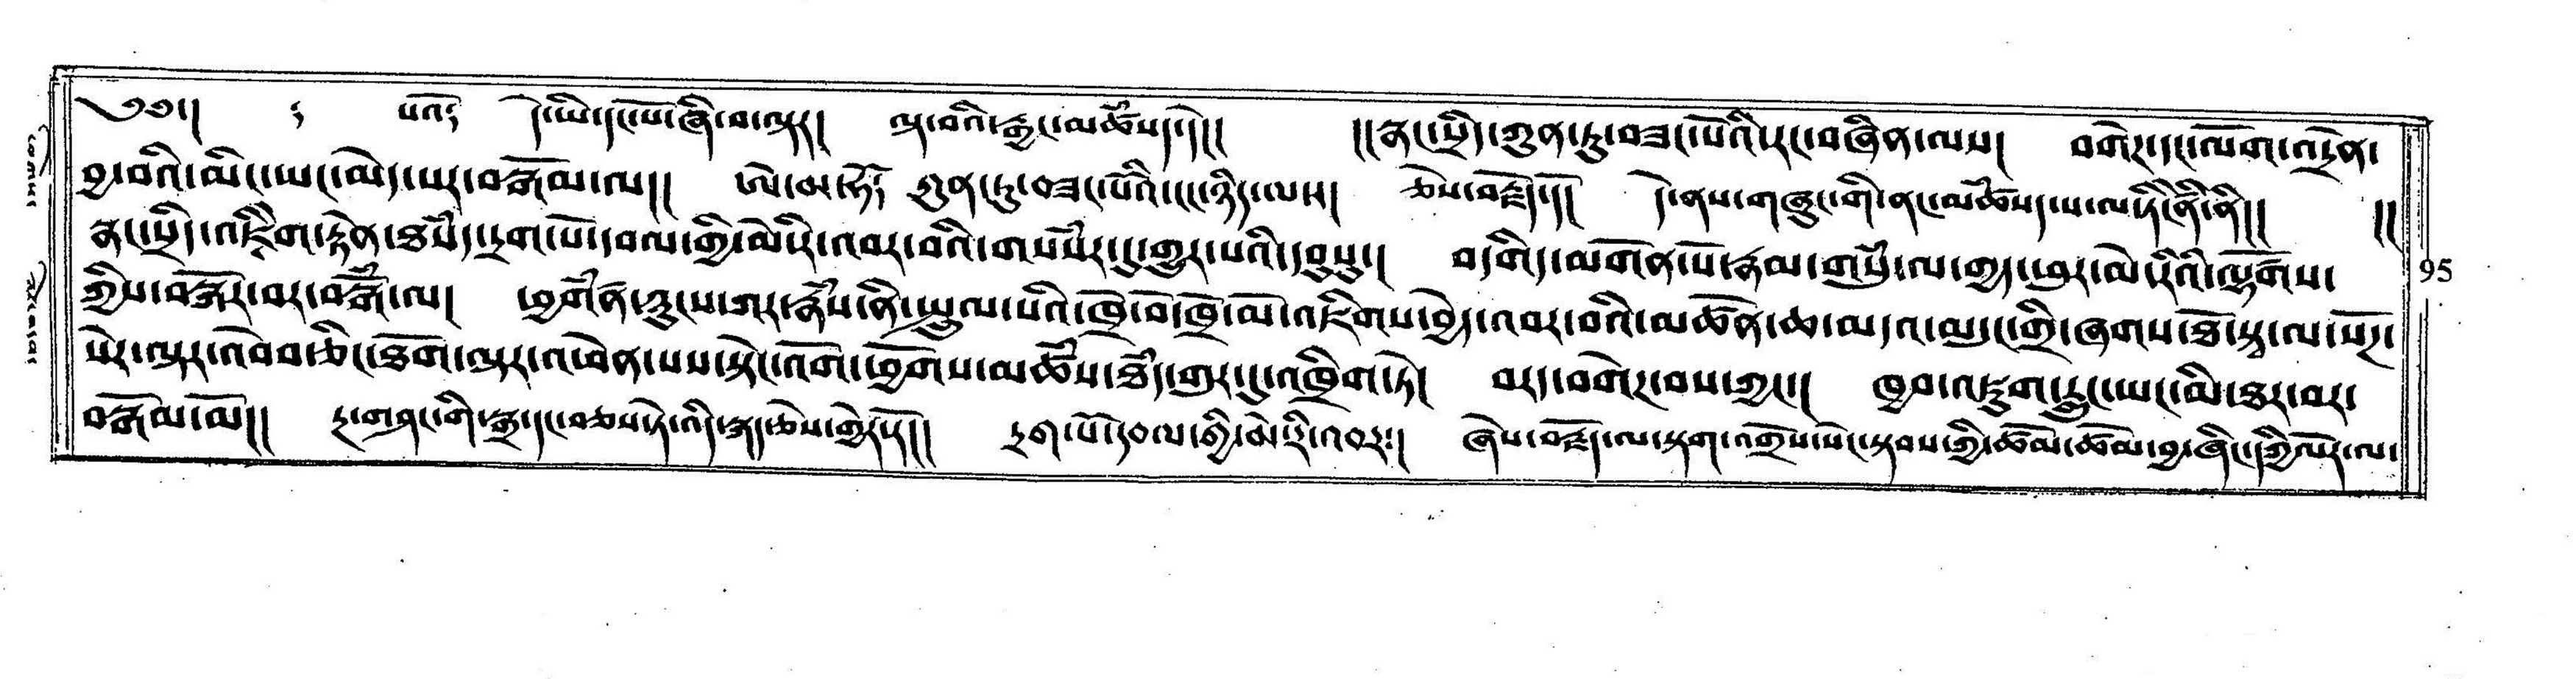པའོ། དེ་ཡི་དང་པོ་ཞི་བ་ལྟར། ལྟ་བའི་རྒྱང་མཚམས་བཅད་དེ།། །།སྣང་སྲིད་ཀུན་ཏུ་བཟང་པོའི་རང་བཞིན་ལས། བགེགས་དང་ལོག་འདྲེན་
བྱ་བའི་མིང་ཡང་མེད་པར་བསྒོམ་ལ།། ཨེ་མ་ཧོ ཀུན་ཏུ་བཟང་པོའི་ངང་ཉིད་ལས། ཅེས་བརྗོད་དོ། དེ་ནས་གཞུང་གི་ནང་མཚམས་བཅད་པ་ལ་ཏིང་ངེ་འཛིན་ནི།། །།
སྣང་སྲིད་འཇིག་རྟེན་ཐམས་ཅད་དྲག་པོ་དབལ་གྱི་མེ་རི་འབར་བའི་གསས་མཁར་དུ་གྱུར་པའི་དབུས་སུ། བདག་ཉིད་མགོན་པོ་རྣམ་གསུམ་ལ་གྱད་ཕུར་མེ་རིའི་ལྷ་ཚོགས་
ཀྱིས་བསྐོར་བར་བསྒོམ་ལ། ཕྱག་མཚན་ཉུངས་ཀར་རྣམས་ནི་སྤྲུལ་པའི་ཁྲོ་བོ་ཁྲོ་མོ་འཇིགས་བྱེད་འབར་བའི་མཚོན་ཆ་མདའ་མདུང་གྲི་ཞགས་ཐོ་སྟྭ་ལ་སོགས་
སེར་ལྟར་འབེབ་ཅིང་ཐོག་ལྟར་འཕེན་པས་སྟེང་འོག་ཕྱོགས་མཚམས་ཐམས་ཅད་གུར་དུ་འཁྲིག་ཏེ། བར་ཆད་བགེགས་བས་ཀྱང་། ཁྱབ་འཇུག་རླུང་ཡང་མི་ཐར་བར་
བསྒོམ་མོ།། རྔ་གཤང་གི་སྒྲ་དང་བཅས་ཏེ་འདི་སྐད་ཅེས་གྱེར་རོ།། དྲག་པོ་དབལ་གྱི་མེ་རི་འབར༴ ཞེས་བརྗོད་ལ་སྟག་འགྲོས་སེང་སྟབས་ཀྱི་ཚོམ་ཚོམ་བྱ་ཞིང་དཀྱིལ་འཁོར་ལ་